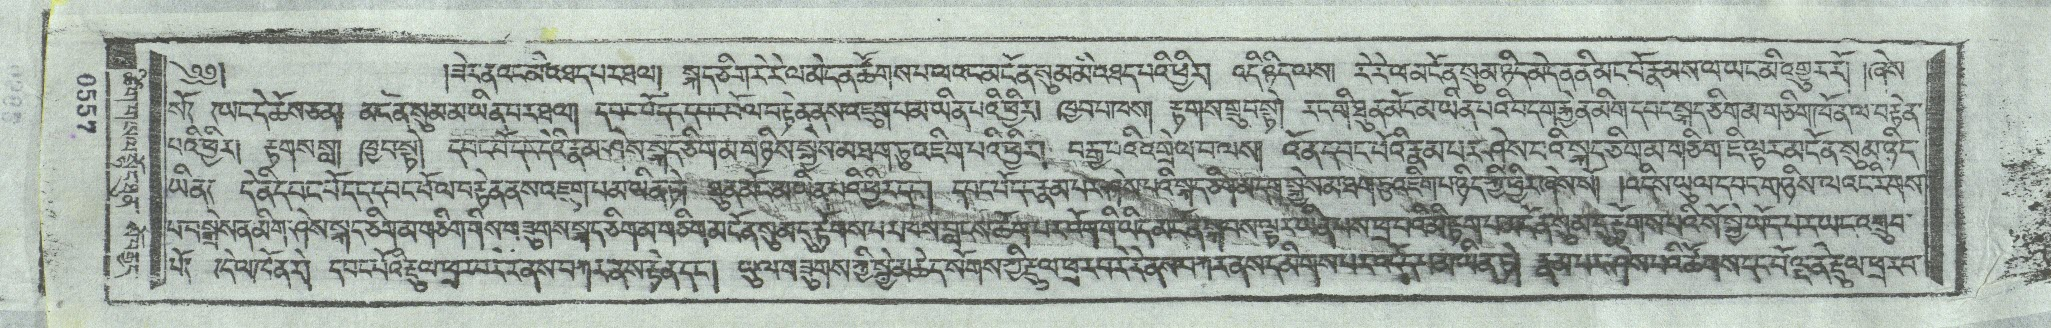༄༅། །ཟེར་ནའང་མི་འཐད་པར་ཐལ། སྐད་ཅིག་རེ་རེ་ལ་མེད་ན་ཚོགས་པ་ལའང་མངོན་སུམ་མི་འཐད་པའི་ཕྱིར། འདི་ཉིད་ལས། རེ་རེ་ལ་མངོན་སུམ་ཉིད་མེད་ན་ནི་མང་པོ་རྣམས་ལ་ཡང་མི་འགྱུར་རོ། །ཞེས་
སོ༑ ༑ཡང་དེ་ཆོས་ཅན། མངོན་སུམ་མ་ཡིན་པར་ཐལ། དབང་པོ་དང་དབང་པོ་ལ་བརྟེན་ནས་འཇུག་པ་མ་ཡིན་པའི་ཕྱིར། ཁྱབ་པ་ཁས། རྟགས་གྲུབ་སྟེ། རང་གི་ཐུན་མོང་མ་ཡིན་པའི་བདག་རྐྱེན་མིག་དབང་སྐད་ཅིག་མ་གཅིག་ཁོ་ན་ལ་བརྟེན་
པའི་ཕྱིར། རྟགས་སླ། ཁྱབ་སྟེ། དབང་པོ་དང་དེའི་རྣམ་ཤེས་སྐད་ཅིག་མ་གཉིས་སྐྱེས་མ་ཐག་ཏུ་འཇིག་པའི་ཕྱིར། བརྒྱ་པའི་འགྲེལ་བ་ལས། འོ་ན་དབང་པོའི་རྣམ་པར་ཤེས་པའི་སྐད་ཅིག་མ་གཅིག་ཇི་ལྟར་མངོན་སུམ་ཉིད་
ཡིན༑ དེ་ནི་དབང་པོ་དང་དབང་པོ་ལ་བརྟེན་ནས་འཇུག་པ་མ་ཡིན་ཏེ། ཐུན་མོང་མ་ཡིན་པའི་ཕྱིར་དང་། དབང་པོ་དང་རྣམ་པར་ཤེས་པའི་སྐད་ཅིག་མ་དག་སྐྱེས་མ་ཐག་ཏུ་འཇིག་པ་ཉིད་ཀྱི་ཕྱིར་ཞེས་སོ། །འདིས་ཡུལ་དབང་གཉིས་ལའང་རིགས་
པ་བསྒྲེས་ན་མིག་ཤེས་སྐད་ཅིག་མ་གཅིག་གིས་གཟུགས་སྐད་ཅིག་མ་གཅིག་མངོན་སུམ་དུ་རྟོགས་པར་ཁས་བླངས་ཆོག་པར་འོག་གི་ཡིད་མངོན་སྐབས་ལྟར་ཡིན་པས་ཕྲ་བའི་མི་རྟག་པ་མངོན་སུམ་དུ་རྟོགས་པའི་སོ་སྐྱེ་ཡོད་པར་ཡང་འགྲུབ་
པོ༑ ༑དེ་ལ་ཁོ་ན་རེ། དབང་པོའི་རྡུལ་ཕྲ་རབ་རེ་རེ་ནས་བཀར་ནས་རྟེན་དང་། ཡུལ་གཟུགས་ཀྱི་སྐྱེ་མཆེད་སོགས་ཀྱི་རྡུལ་ཕྲ་རབ་རེ་རེ་ནས་བཀར་ནས་དམིགས་པར་འདོད་པ་མ་ཡིན་ཏེ། རྣམ་པར་ཤེས་པའི་ཚོགས་དང་པོ་ལྔ་ནི་རྡུལ་ཕྲ་རབ་